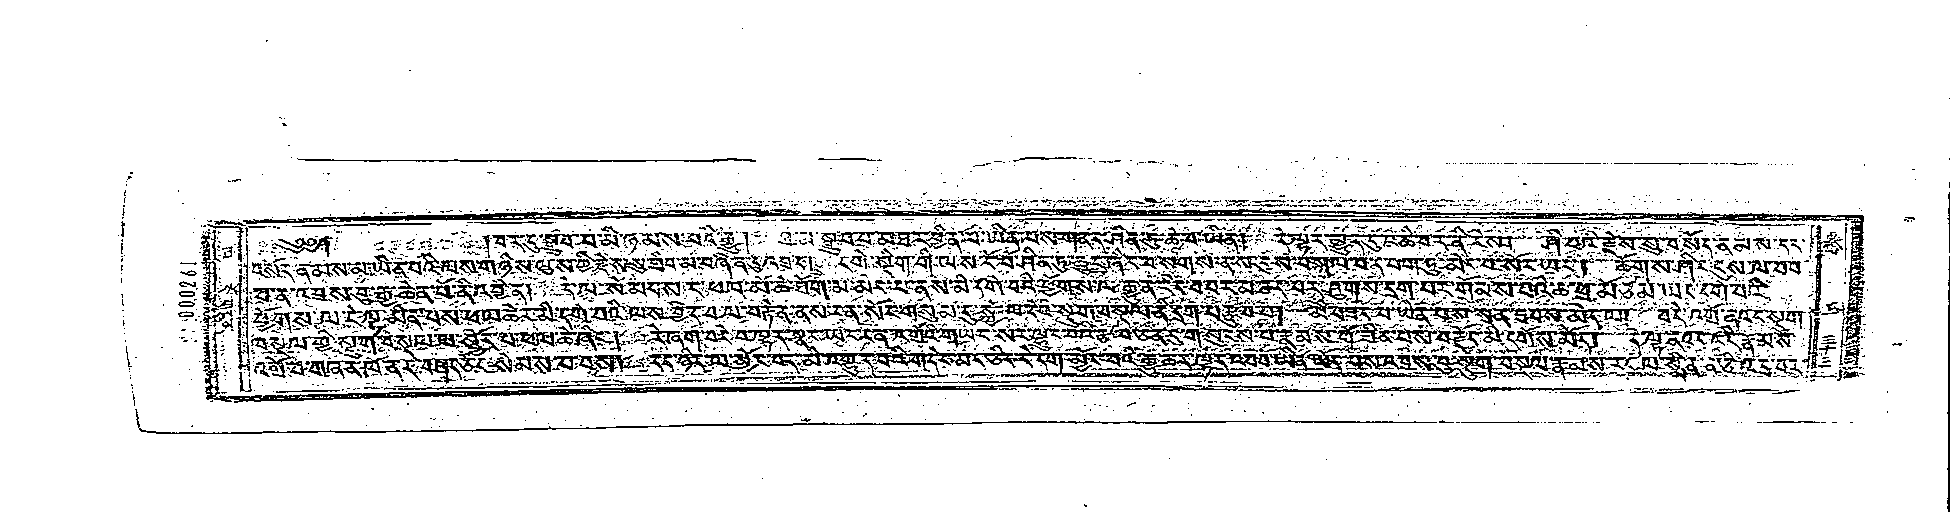༄༅། །བར་དུ་སྒྲུབ་བ་མི་ཉམས་པའི་རྒྱུ། ཐ་མ་སྒྲུབ་པ་མཐར་ཕྱིན་པ་ཡིན་པས་གནད་ཤིན་ཏུ་ཆེ་བ་ཡིན། དེ་ལྟར་མྱུར་དུ་འཆི་བར་ནི་ངེས། ཤི་བའི་རྗེས་སུ་བསོད་ནམས་དང་
བསོད་ནམས་མ་ཡིན་པའི་ལས་གཉིས་ལུས་ཀྱི་རྗེས་སུ་གྲིབ་མ་བཞིན་དུ་འཐང་། དགེ་སྡིག་གི་ལས་ངོ་བོ་ཤིན་ཏུ་ཆུང་ཞིང་བསགས་ནས་དུས་བསྐལ་པ་དཔག་ཏུ་མེད་པ་སོང་ཡང་། ཚོགས་ཤིང་དུས་ལ་བབ་
པ་ན་འབྲས་བུ་རྒྱ་ཆེན་པོ་ནི་འབྱིན། རེ་ལ་སེམ་བསང་ཕལ་མོ་ཆེ་ཐོག་མ་མེད་པ་ནས་མི་དགེ་བའི་ཕྱོགས་ལ་རྒྱུན་རིང་བ་བར་མ་ཆད་པར་ཤུགས་དྲག་པར་གོམས་པའི་ཆ་ཕྲ་མོ་ཙམ་ཡང་དགེ་བའི་
ཕྱོགས་ལ་དེ་ལྟ་མིན་པས་ཕལ་ཆེར་མི་དགེ་བའི་ལས་བྱེད་བ་ལ་བརྟེན་ནས་ངན་སོང་གསུམ་དུ་སྐྱེ་ལ་དེའི་སྡུག་བསྔལ་ནི་དྲག་པ་རྩུབ་པ། མི་བཟང་པ་ཡིན་བས་སྲན་ཐབས་མེད་ལ། བདེ་འགྲོ་ནའང་སྡུག་
བསྔལ་གྱི་སྡུག་བསྔལ་ལ་སྤྱོད་པ་ཕལ་ཆེ་ཞིང་། རེ་ཞག་བདེ་བ་ལྟར་སྣང་ཡང་ངན་འགྲོའི་གཡང་སར་ལྷུང་བའི་རྩ་བ་ཅན་དུ་གསུངས་བ་རྣམས་གོ་ཟིན་པས་བརྗོད་མི་དགོས་མོད། དེ་ལྟ་ནའང་འདི་རྣམས་
འགྲོ་བ་གཞན་ཁོ་ནར་བཤད་ཅིང་སེམས་བ་བས། རང་ཉིད་ལ་མྱོང་བར་མི་འགྱུར་བའི་གདེང་མེད་ཅིང་དེ་དག་མྱོང་བའི་རྒྱུ་ཆར་ལྟར་འབབ་ཡིན་ཡོད་པས་འབྲས་བུ་སྡུག་བསྔལ་རྣམས་རང་ལ་སྨིན་ན་ཅི་འདྲ་བར་